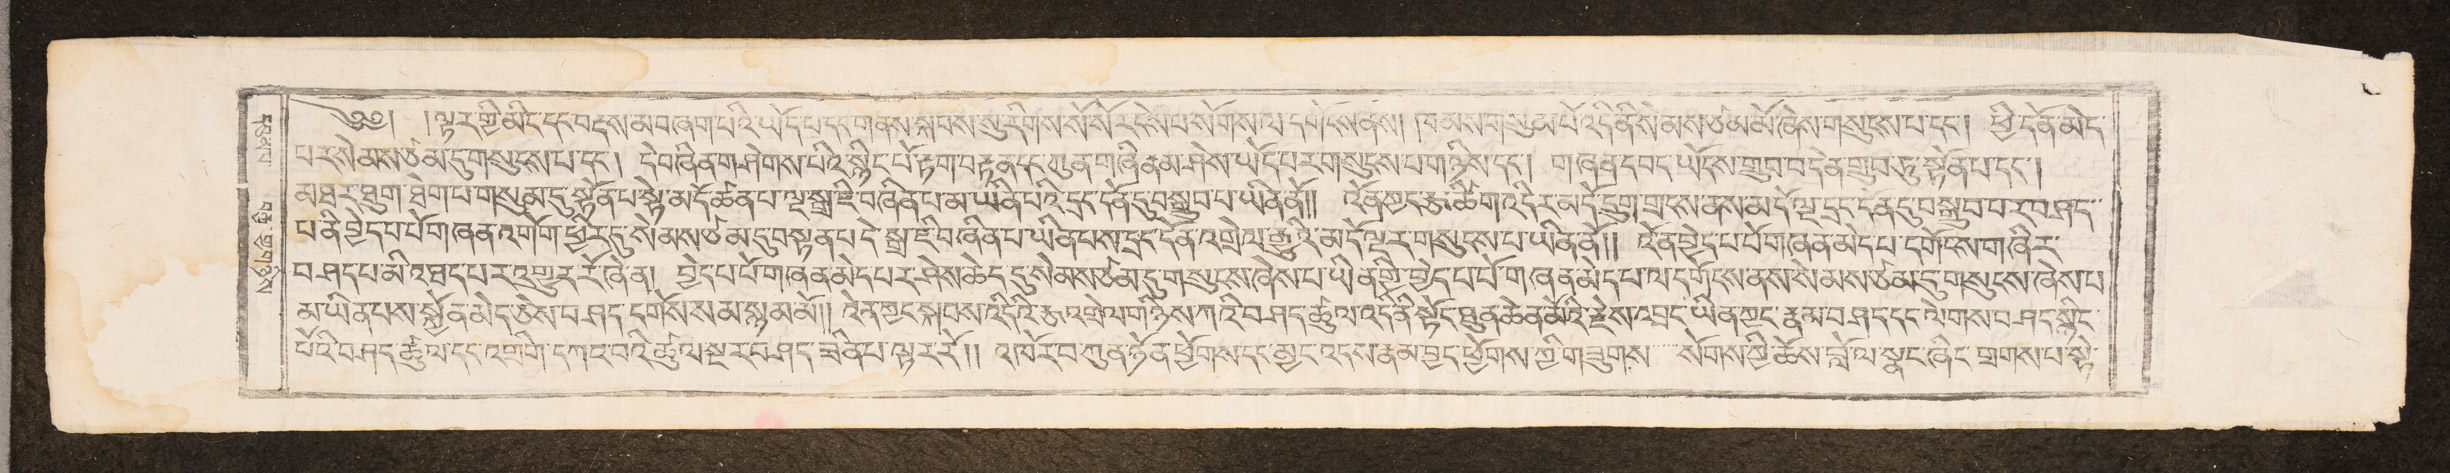༄༅། །ལྟར་གྱི་མིང་དང་བརྡས་མ་བཞག་པའི་ཡོད་པ་དང་གནས་སྐབས་སུ་རིགས་སོ་སོར་ངེས་པ་སོགས་ལ་དགོངས་ནས། ཁམས་གསུམ་པོ་འདི་ནི་སེམས་ཙམ་མོ་ཞེས་གསུངས་པ་དང་། ཕྱི་དོན་མེད་
པར་སེམས་ཙམ་དུ་གསུངས་པ་དང་། དེ་བཞིན་གཤེགས་པའི་སྙིང་པོ་རྟག་བརྟན་དང་ཀུན་གཞི་རྣམ་ཤེས་ཡོད་པར་གསུངས་པ་གཉིས་དང་། གཞན་དབང་ཡོངས་གྲུབ་བདེན་གྲུབ་ཏུ་སྟོན་པ་དང་།
མཐར་ཐུག་ཐེག་པ་གསུམ་དུ་སྟོན་པ་སྟེ་མདོ་ཚན་པ་ལྔ་སྒྲ་ཇི་བཞིན་པ་མ་ཡིན་པའི་དྲང་དོན་དུ་བསྒྲུབ་པ་ཡིན་ནོ། །འོན་ཀྱང་རྩ་ཚིག་འདིར་མདོ་དྲུག་གྲངས་ནས་མདོ་ལྔ་དྲང་དོན་དུ་བསྒྲུབ་པར་བཤད་
པ་ནི་བྱེད་པ་པོ་གཞན་འགོག་ཕྱིར་དུ་སེམས་ཙམ་དུ་བསྟན་པ་དེ་སྒྲ་ཇི་བཞིན་པ་ཡིན་པས་དྲང་དོན་འགྲེལ་རྒྱུའི་མདོ་ལྔར་གསུངས་པ་ཡིན་ནོ། །འོ་ན་བྱེད་པ་པོ་གཞན་མེད་པ་དགོངས་གཞིར་
བཤད་པ་མི་འཐད་པར་འགྱུར་རོ་ཞེ་ན། བྱེད་པ་པོ་གཞན་མེད་པར་ཤེས་ཆེད་དུ་སེམས་ཙམ་དུ་གསུངས་ཞེས་པ་ཡིན་གྱི་བྱེད་པ་པོ་གཞན་མེད་པ་ལ་དགོངས་ནས་སེམས་ཙམ་དུ་གསུངས་ཞེས་པ་
མ་ཡིན་པས་སྐྱོན་མེད་ཅེས་བཤད་དགོས་སམ་སྙམ་མོ། །འོན་ཀྱང་སྐབས་འདིའི་རྩ་འགྲེལ་གཉིས་ཀའི་བཤད་ཚུལ་འདི་ནི་སྟོང་ཐུན་ཆེན་མོའི་རྗེས་འབྲང་ཡིན་ཀྱང་རྣམ་བཤད་དང་ལེགས་བཤད་སྙིང་
པོའི་བཤད་ཚུལ་དང་འགྲིག་དཀའ་བའི་ཚུལ་སྔར་བཤད་ཟིན་པ་ལྟར་རོ། །འཁོར་བ་ཀུན་ཉོན་ཕྱོགས་དང་མྱང་འདས་རྣམ་བྱང་ཕྱོགས་ཀྱི་གཟུགས་སོགས་ཀྱི་ཆོས་བློ་ལ་སྣང་ཞིང་གྲགས་པ་སྟེ་